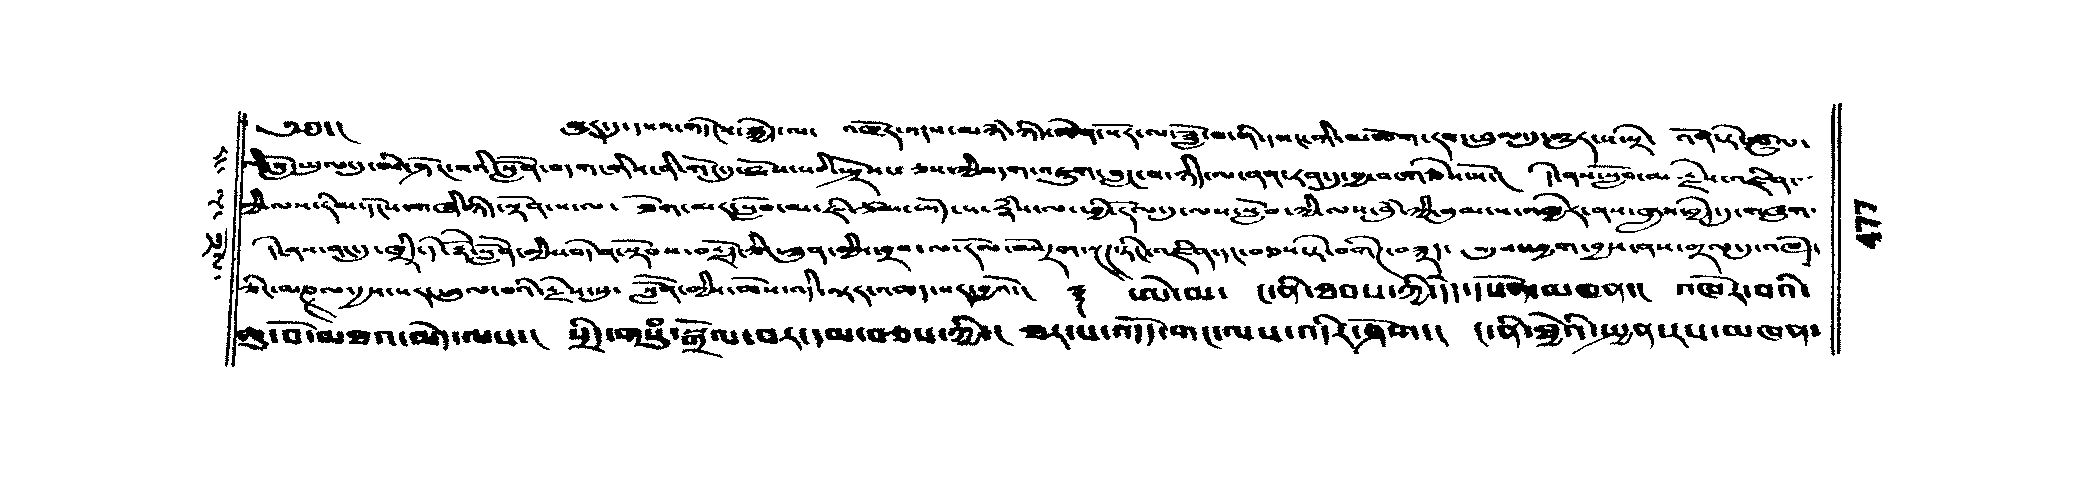གྱུར་དུ་དཔའ་གདེངས་བསྐྱེད་ལ། འཁོར་འདས་མཉམ་ཉིད་ཆེན་པོར་ལ་ཟློ་བ་ནི་དབང་གི་མཆོག་རབ་ཕུལ་དུ་གྱུར་པ་སྟེ། འོན་ཏེ་ཚུལ་
འདི་བློ་ཡུལ་དུ་མི་ཤོང་པའི་སློབ་དཔོན་དག་གིས་ནི་གོང་དུ་སྨོས་པའི་སྤྲོས་བཅས་ཀྱི་བདག་འཇུག་བླང་བ་ཉིད་ལ་ནན་ཏན་ཏུ་བྱ་བ་གཅེས་སོ། དེ་ནས་སློབ་མ་རྗེས་འཛིན་
གྱི་ལས་རིམ་དངོས་གཞི་ཉིད་སྟོན་པ་ལ། ཐོག་མར་སློབ་མ་ཇི་ཙམ་ཡོད་པ་རྣམས་ལ་ཕྱི་རོལ་དུ་ལས་སློབ་ཀྱི་ལས་བུམ་གྱི་བུམ་པ་འཁྱེར་ནས་ཁྲུས་བྱེད་དུ་གཞུག 
དེ་ནས་ནང་དུ་ཁྲིད་དེ་རྡོ་རྗེ་སློབ་དཔོན་གྱིས་བདེན་སྟོབས་བརྗོད་ཅིང་ཐུན་གྱིས་བྲབ་ལ་རོལ་མོ་དྲག་སྔགས་ཏིང་ངེ་འཛིན་དང་བཅས་ཏེ་བགེགས་བསྐྲད།གུས་ཕྱག་བྱས་ནས་གྲལ་དུ་འཁོད་
ཅིང་མཎྜལ་རྒྱས་པར་ཕུལ་བའི་རྗེས་སུ། སློབ་དཔོན་གྱིས་ཆོས་འདི་ལྟར་འཆད་པར་བྱའོ། ཨེ་མ། ང་ནི་ཐབས་ཀྱི་དེད་དཔོན་མཁན། །འཁོར་བའི་
ཆུ་བོ་མཐའ་མེད་ལས། །སྲིད་གསུམ་སྒྲོལ་བར་དམ་བཅས་ཀྱི། །ཐར་བ་འདོད་གང་ལས་འདིར་ཤོག །ང་ནི་ཐུགས་རྗེའི་སྤྱན་རས་མཁན།